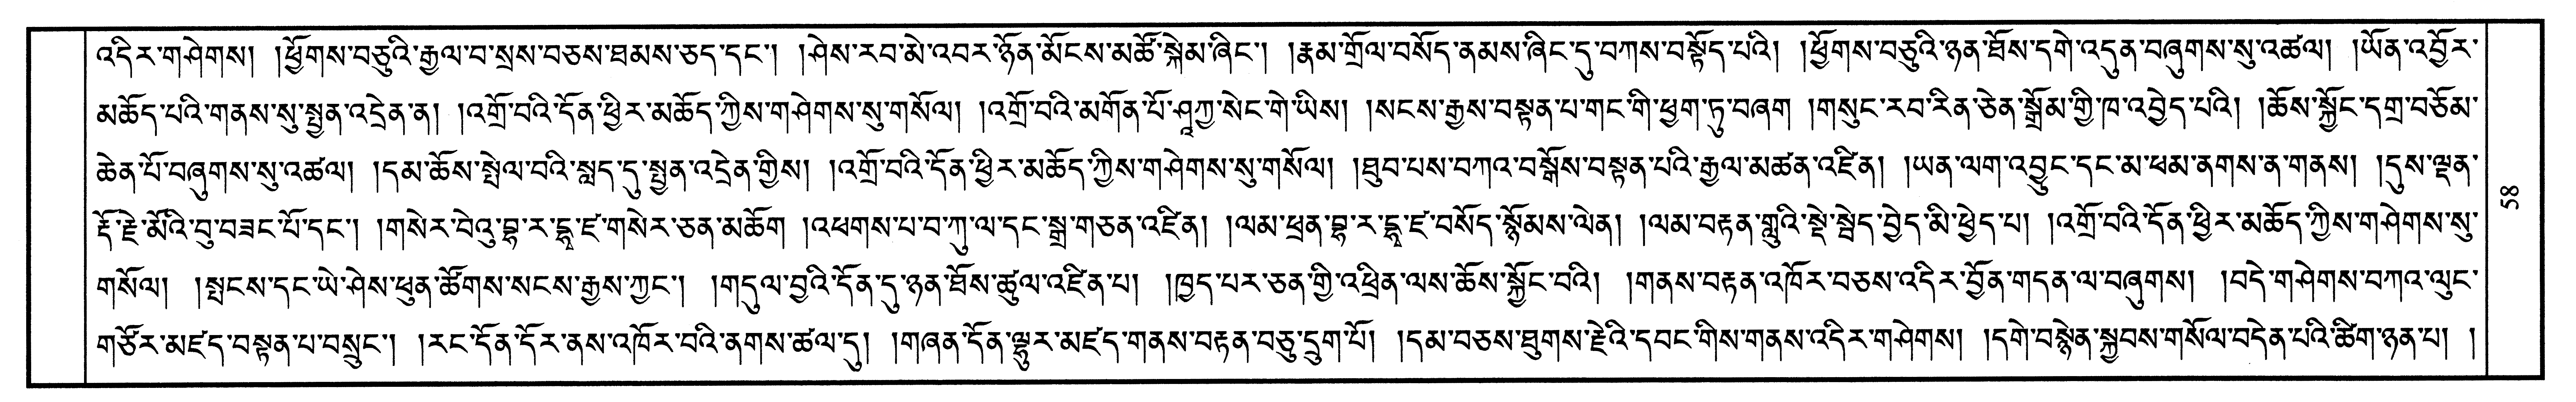འདིར་གཤེགས། །ཕྱོགས་བཅུའི་རྒྱལ་བ་སྲས་བཅས་ཐམས་ཅད་དང་། །ཤེས་རབ་མེ་འབར་ཉོན་མོངས་མཚོ་སྐེམ་ཞིང་། །རྣམ་གྲོལ་བསོད་ནམས་ཞིང་དུ་བཀས་བསྟོད་པའི། །ཕྱོགས་བཅུའི་ཉན་ཐོས་དགེ་འདུན་བཞུགས་སུ་འཚལ། །ཡོན་འབྱོར་
མཆོད་པའི་གནས་སུ་སྤྱན་འདྲེན་ན། །འགྲོ་བའི་དོན་ཕྱིར་མཆོད་ཀྱིས་གཤེགས་སུ་གསོལ། །འགྲོ་བའི་མགོན་པོ་ཤཱཀྱ་སེང་གེ་ཡིས། །སངས་རྒྱས་བསྟན་པ་གང་གི་ཕྱག་ཏུ་བཞག །གསུང་རབ་རིན་ཅེན་སྒྲོམ་གྱི་ཁ་འབྱེད་པའི། །ཆོས་སྐྱོང་དགྲ་བཅོམ་
ཆེན་པོ་བཞུགས་སུ་འཚལ། །དམ་ཆོས་སྤེལ་བའི་སླད་དུ་སྤྱན་འདྲེན་གྱིས། །འགྲོ་བའི་དོན་ཕྱིར་མཆོད་ཀྱིས་གཤེགས་སུ་གསོལ། །ཐུབ་པས་བཀའ་བསྒོས་བསྟན་པའི་རྒྱལ་མཚན་འཛིན། །ཡན་ལག་འབྱུང་དང་མ་ཕམ་ནགས་ན་གནས། །དུས་ལྡན་
རྡོ་རྗེ་མོའི་བུ་བཟང་པོ་དང་། །གསེར་བེའུ་བྷ་ར་དྷྭ་ཛ་གསེར་ཅན་མཆོག །འཕགས་པ་བ་ཀུ་ལ་དང་སྒྲ་གཅན་འཛིན། །ལམ་ཕྲན་བྷ་ར་དྷྭ་ཛ་བསོད་སྙོམས་ལེན། །ལམ་བརྟན་གླུའི་སྡེ་སྦེད་བྱེད་མི་ཕྱེད་པ། །འགྲོ་བའི་དོན་ཕྱིར་མཆོད་ཀྱིས་གཤེགས་སུ་
གསོལ། །སྤངས་དང་ཡེ་ཤེས་ཕུན་ཚོགས་སངས་རྒྱས་ཀྱང་། །གདུལ་བྱའི་དོན་དུ་ཉན་ཐོས་ཚུལ་འཛིན་པ། །ཁྱད་པར་ཅན་གྱི་འཕྲིན་ལས་ཆོས་སྐྱོང་བའི། །གནས་བརྟན་འཁོར་བཅས་འདིར་བྱོན་གདན་ལ་བཞུགས། །བདེ་གཤེགས་བཀའ་ལུང་
གཙོར་མཛད་བསྟན་པ་བསྲུང་། །རང་དོན་དོར་ནས་འཁོར་བའི་ནགས་ཚལ་དུ། །གཞན་དོན་ལྷུར་མཛད་གནས་བརྟན་བཅུ་དྲུག་པོ། །དམ་བཅས་ཐུགས་རྗེའི་དབང་གིས་གནས་འདིར་གཤེགས། །དགེ་བསྙེན་སྐྱབས་གསོལ་བདེན་པའི་ཚིག་ཉན་པ། །